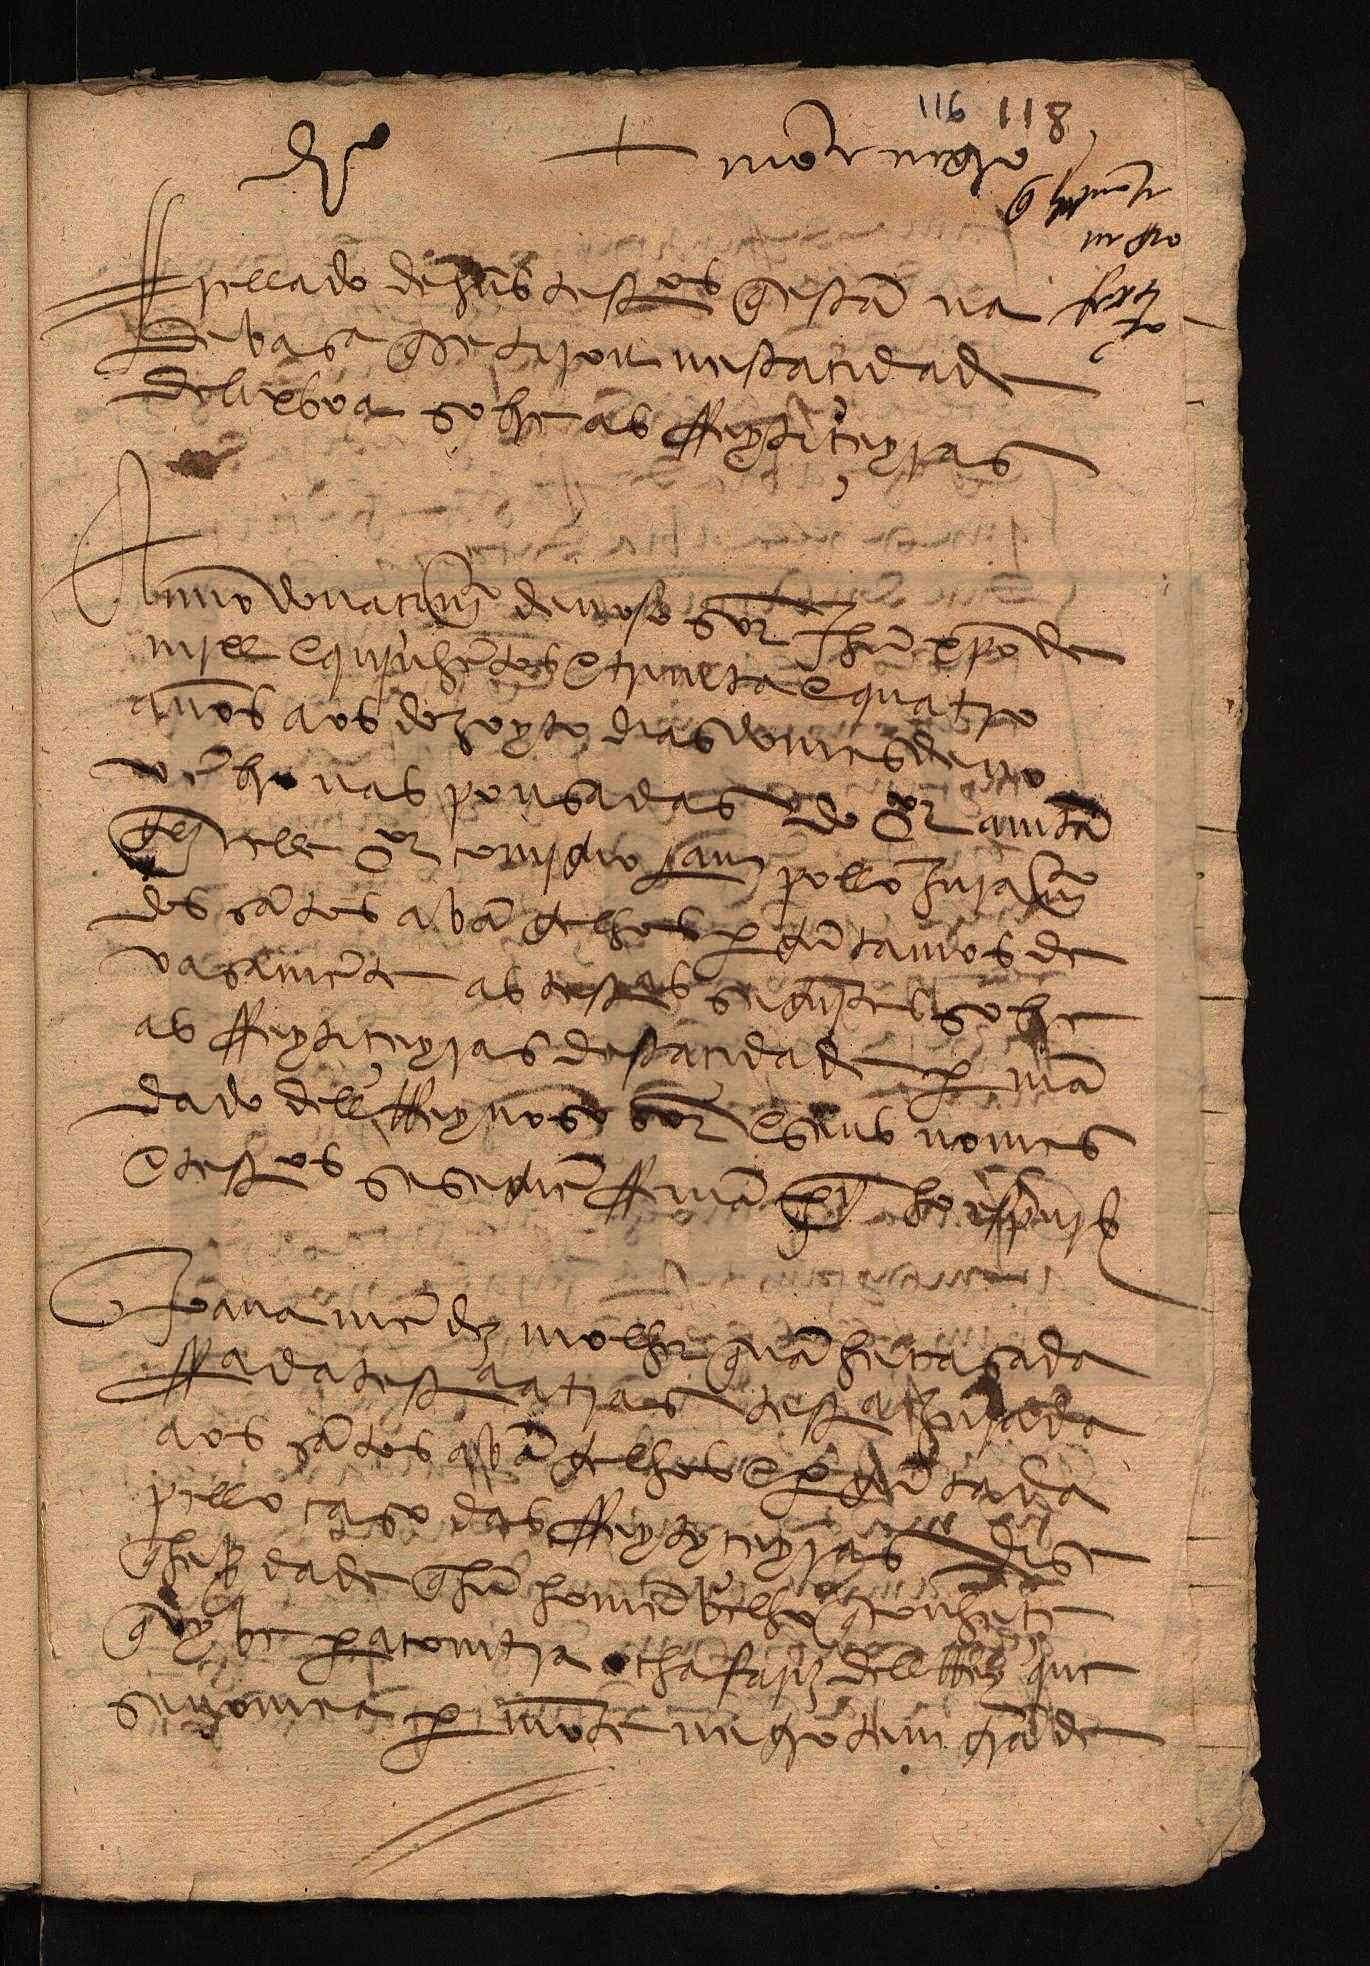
djo
mōtenegro
q̄ he o mōte
negro
feytj
cro
trellado de hūs testos q̄ estā na
devasa q̄ se tirou nesta cidade
de lixboa sobre as feyticeyras
Anno do nacimto de noso sōr Jhū xp̄o de
mjll e qujnhētos e trimta e quatro
an̄os aos dezoyto dias do mes de no
vēbro nas pousadas do Cor amtā
ḡlz elle Cor comjguo tam pollo Juramto
dos sātos avāgelhos ꝑgūtamos de
vasamēte as testas seguj̄tes sobre
as ffejticeyras desta cidade ꝑ mā
dado dell Rey noso s̄or e seus nomes
e testos se seguē ffernā p̄iz ho esp̄uj
item Joana mēdez molher q̄ nā he casada
ffa da testa atras testa Jurada
aos sātos avāgelhos e ꝑgūtada
pello caso das ffeytyceyras dise
q̄ he ꝟdade q̄ hū homē velho q̄ conhece
q̄ vyve ꝑa comtra o chafariz dell Rey que
se nomea ꝑ mōtenegro tem grāde
